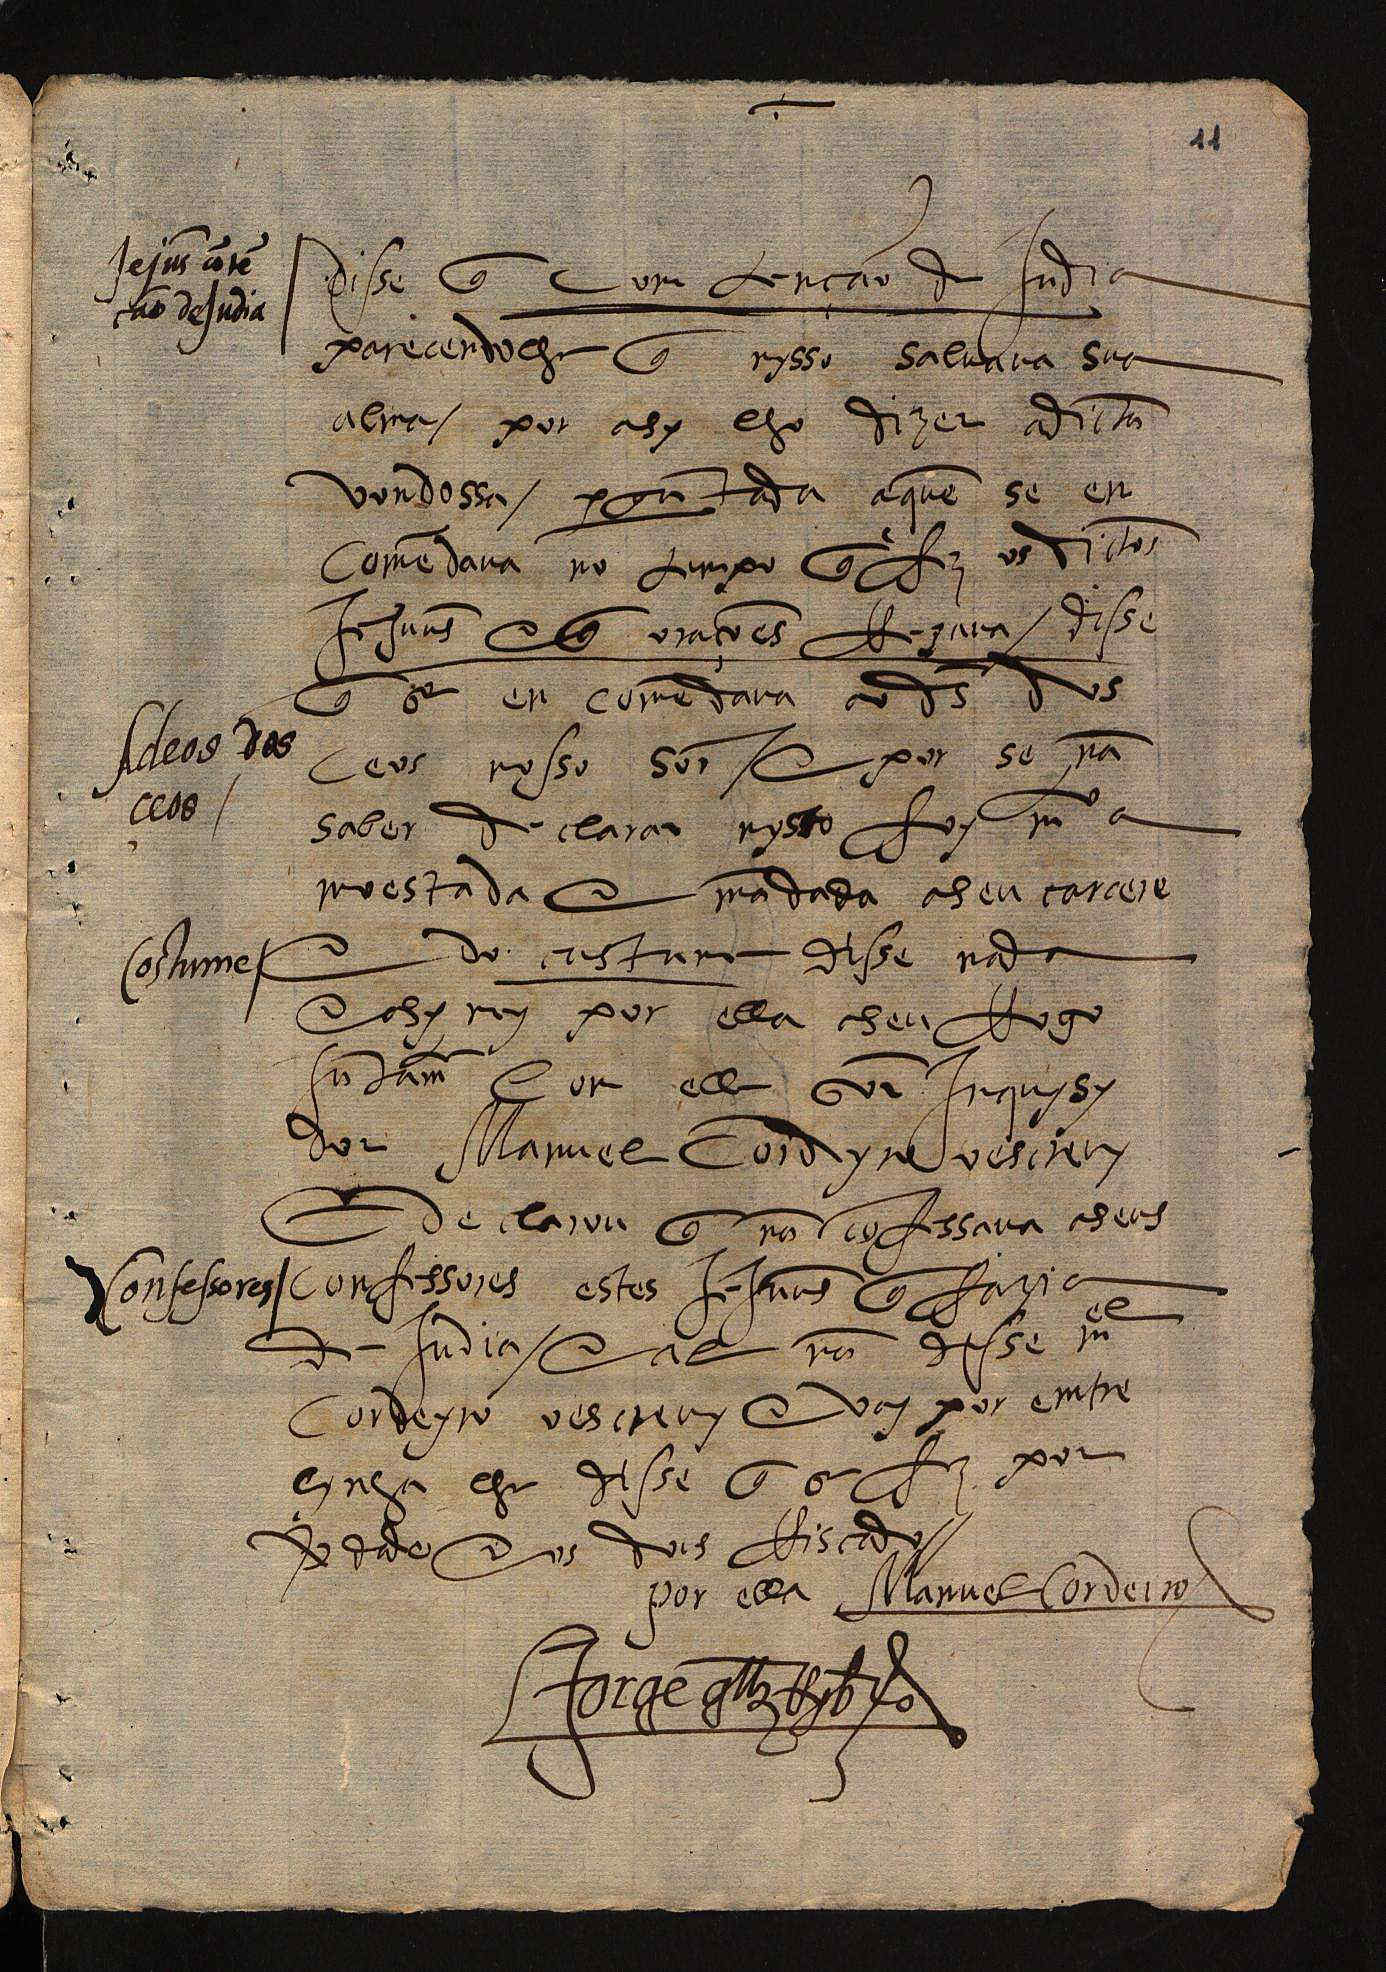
Jejūs cō tē
ção de Judia
A deos dos
Costume
Confessores
ceos
disse q̄ com tenção de Judia
parecendolhe q̅ nysso saluaua sua
alma / por asy lho dizer a di̅cta
vondossa / ꝑgūtada a quē se en
Comēdaua no tempo q̄ fez os dictos
JeJuūs e q̄ orações Rezaua / disse
q̄ se encomēdaua ao ds̄ dos
ceos nosso sōr / e por se nā
saber declarar nysto foy mto a
moestada e m̄adada a seu carcere
E do custume disse nada
e asyney por ella a seu Rogo
Jūtamte e ou elle sōr Jnquysy
dor
Manuel Cordeyro o escrevy
E declarou q̄ nā cōfessaua a seus
confessores estes JeJūus q̄ fazia
de Judia / e al n̄a disse mel
Cordeyro o escreuy e vaj por emtre
lynha lhe disse q̅ se fez por
ꝟdade e os dous Riscado
por ella Manuel Cordeiro
Jorge ḡllz Rybro
